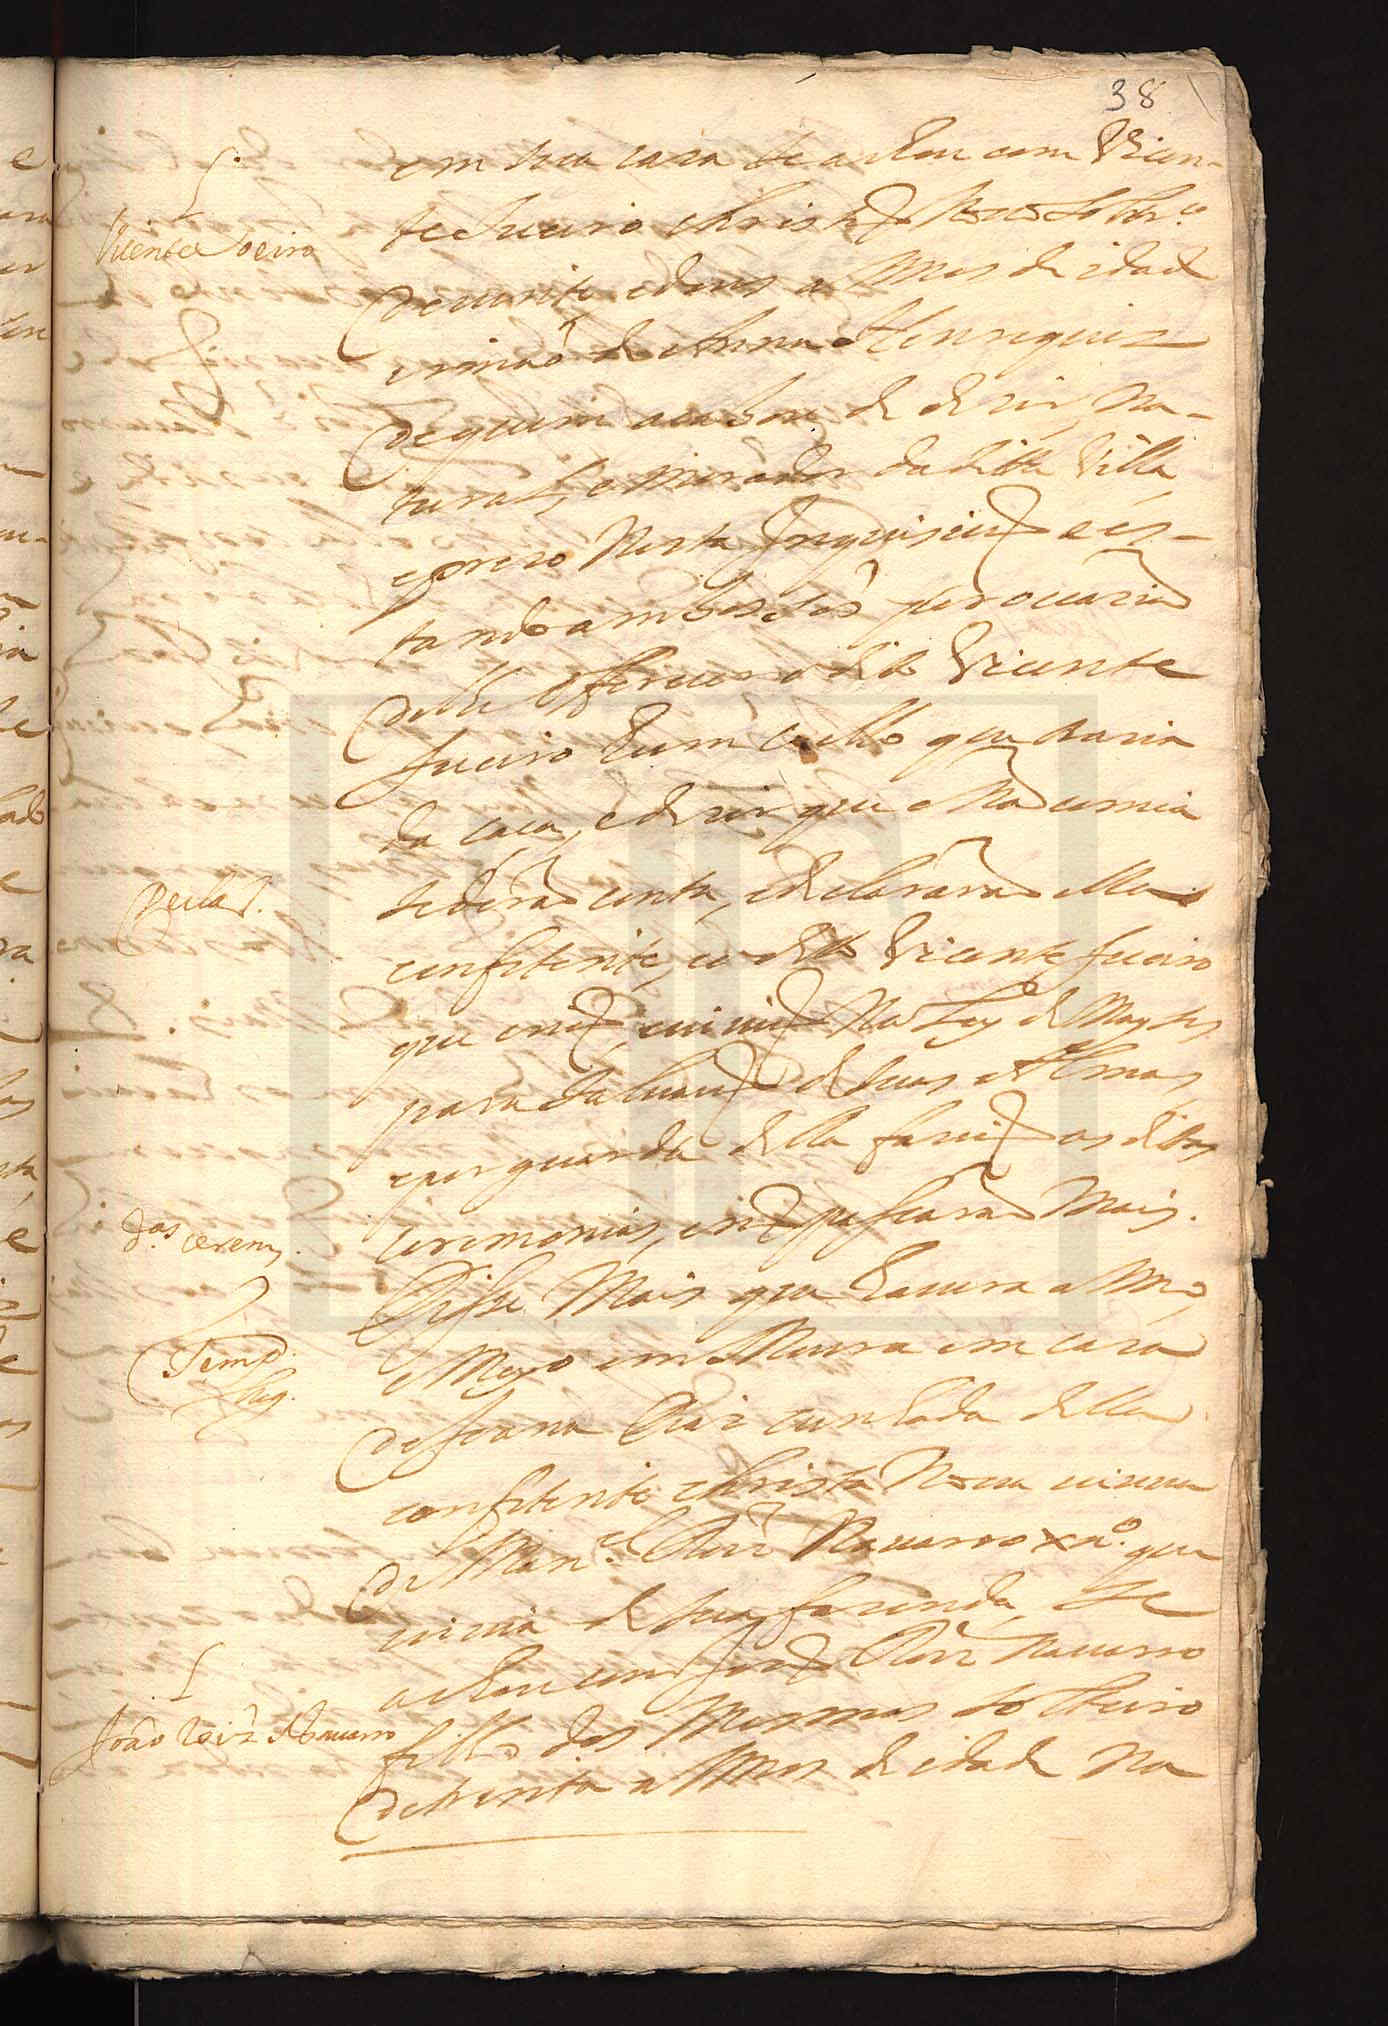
em sua casa se achou com Vicen
te Sueiro christaõ Nouo soltr.o
Vicente Soeiro
de uinte e dous annos de idade
irmaõ de Anna Henriquez
de quem acabou de dizer, na
tural, e morador da dita Villa,
e prezo nesta Jnquisiçaõ e es
tando ambos sos̄ por occaziaõ
de lhe offerecer o dito Vicente
Sueiro hum coelho que trasia
da caça, e dizer que o Nā comia
se derão conta, e declararaõ ella
Declar.
confitente, e o dito Vicente Sueiro
que criaõ, e uiuiaõ na Ley de Moyses
para saluaçaõ de suas Almas
e por guarda della faziaõ as dittas
Ceremonias, e naõ passaraõ mais
d.as cerem
Disse Mais que hauera anno
e Meyo em Moura em caza
Temp.
Lug.
de Joana Diaz cunhada della
confitente christa Noua uiuua
de Man.el Roiz̄ Nauarro xn.o que
uiuia d sua fazenda, se
achou com Joaõ Roiz̄ Nauarro
filho dos mesmos solteiro
Joaõ Roiz̄ Nauarro
de trinta annos de idade na
